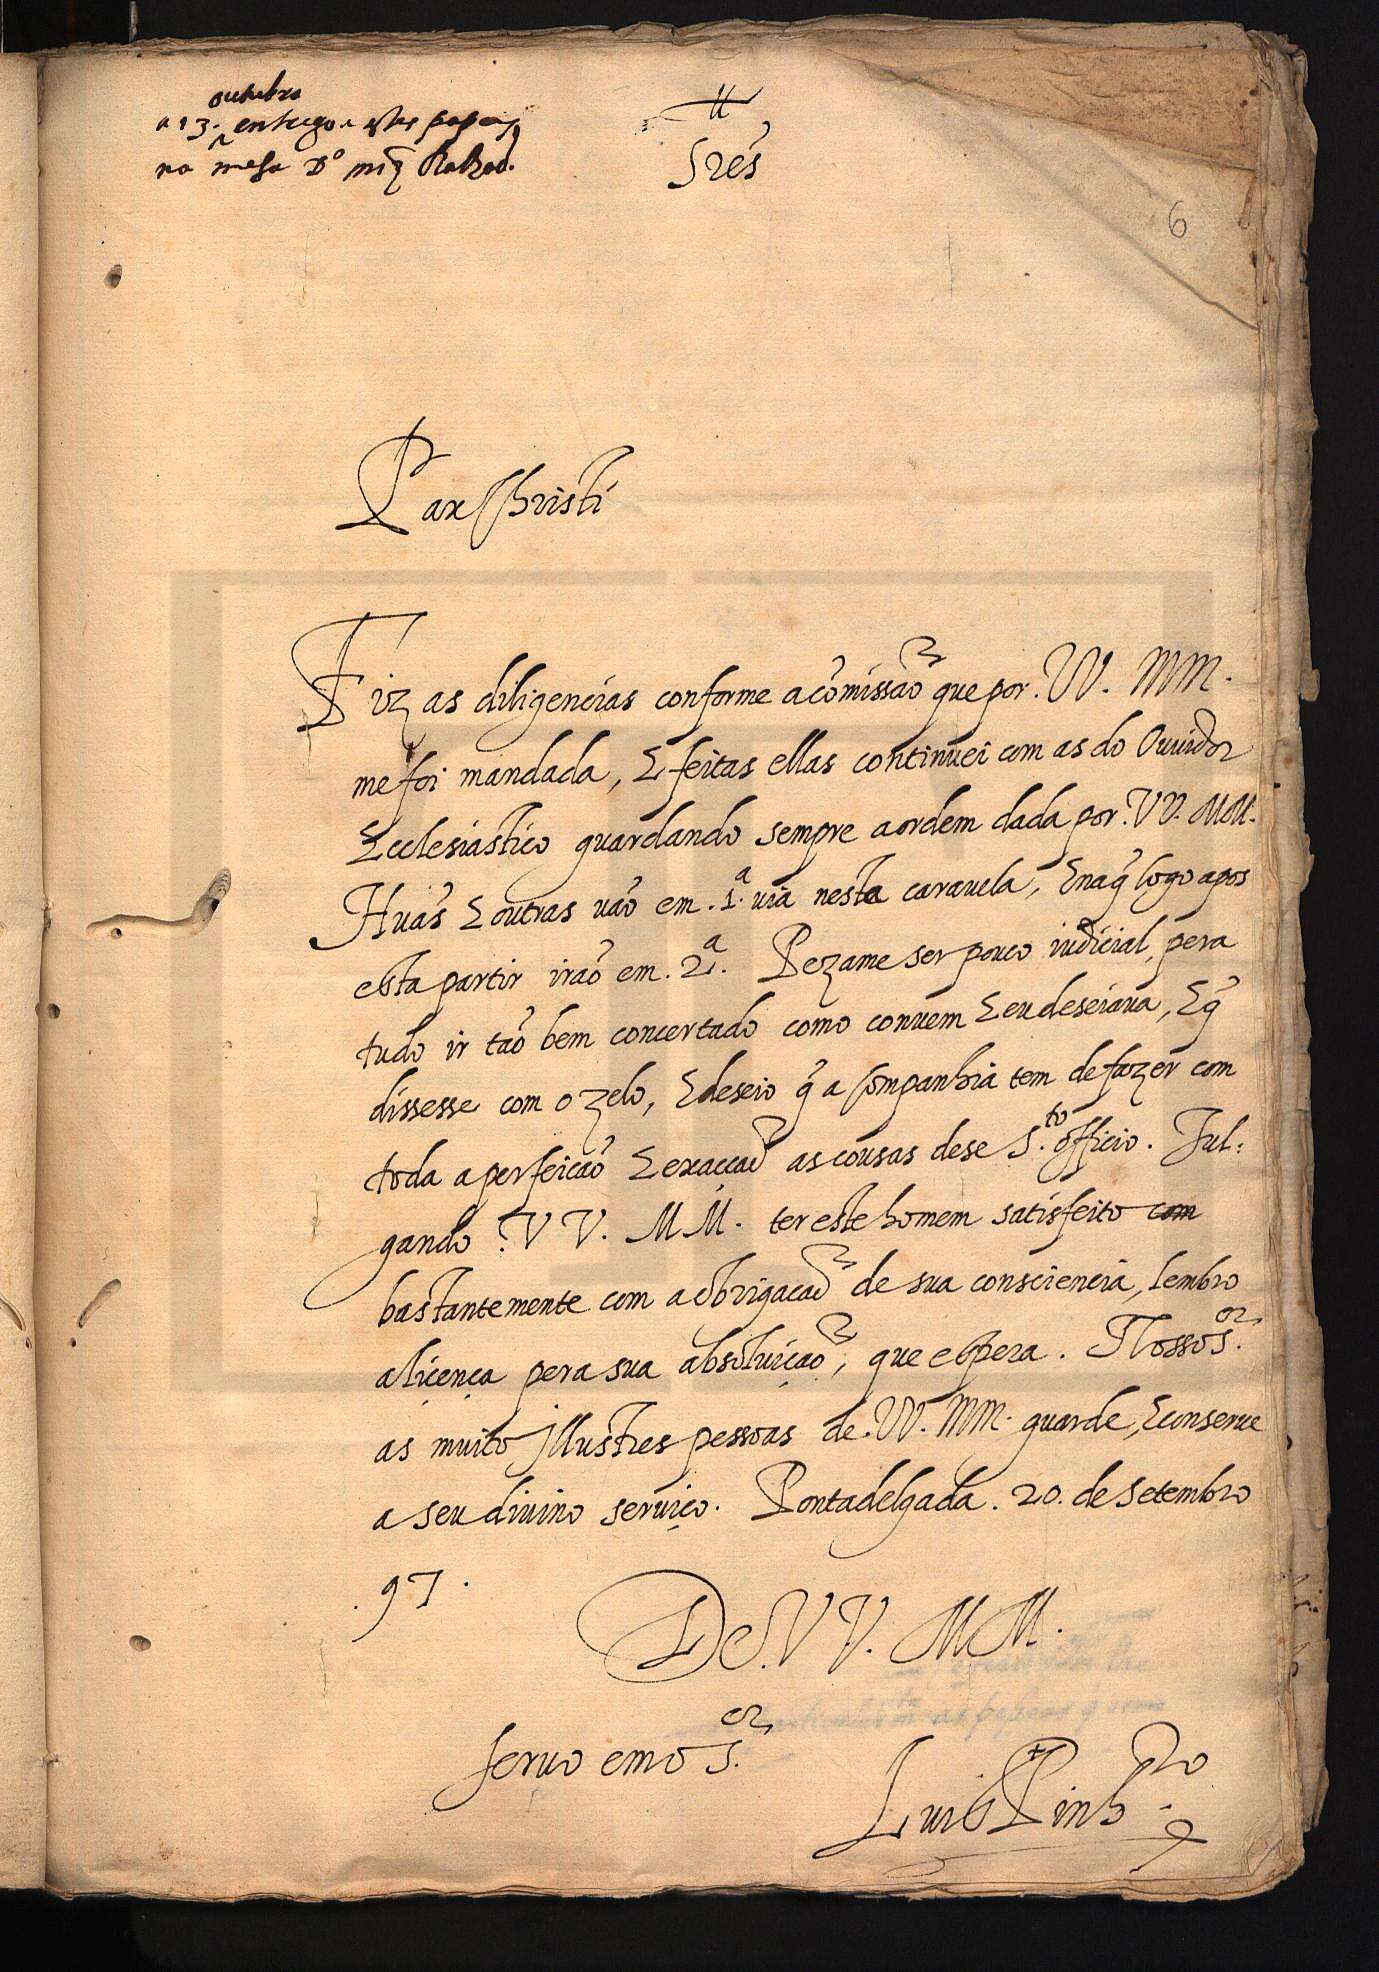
a 13.
outubro
entregou estes papeis
na mesa Do miz̄ Ralhaõ.
Sres̄
Pax Christi
Fiz as diligencias conforme a cōmissaõ que por VV. MM.
me foi mandada, E feitas ellas continuei com as do Ouuidor
Ecclesiastico guardando sempre a ordem dada por VV. MM.
Huas̄ E outras uaõ em .1a. uia nesta carauela, E na q̄ logo apos
esta partir iraõ em .2a. Pezame ser pouco iudicial, pera
tudo ir taõ bem concertado como conuem E eu deseiaua, E q̄
dissesse com o zelo, E deseio q̄ a Companhia tem de fazer com
toda a perfeicaõ E exacçaõ as cousas dese S.to officio. Jul
gando .VV. MM. ter este homem satisfeito com
bastantemente com a obrigacaõ de sua consciencia, lembro
a liçença pera sua absoluiçaõ, que espera. Nosso s.or
as muito Jllustres pessoas de .VV. MM. guarde, E conserue
a seu diuino seruiço. Ponta delgada. 20 de Setembro
97.
De VV. MM.
Seruo em o s.or
